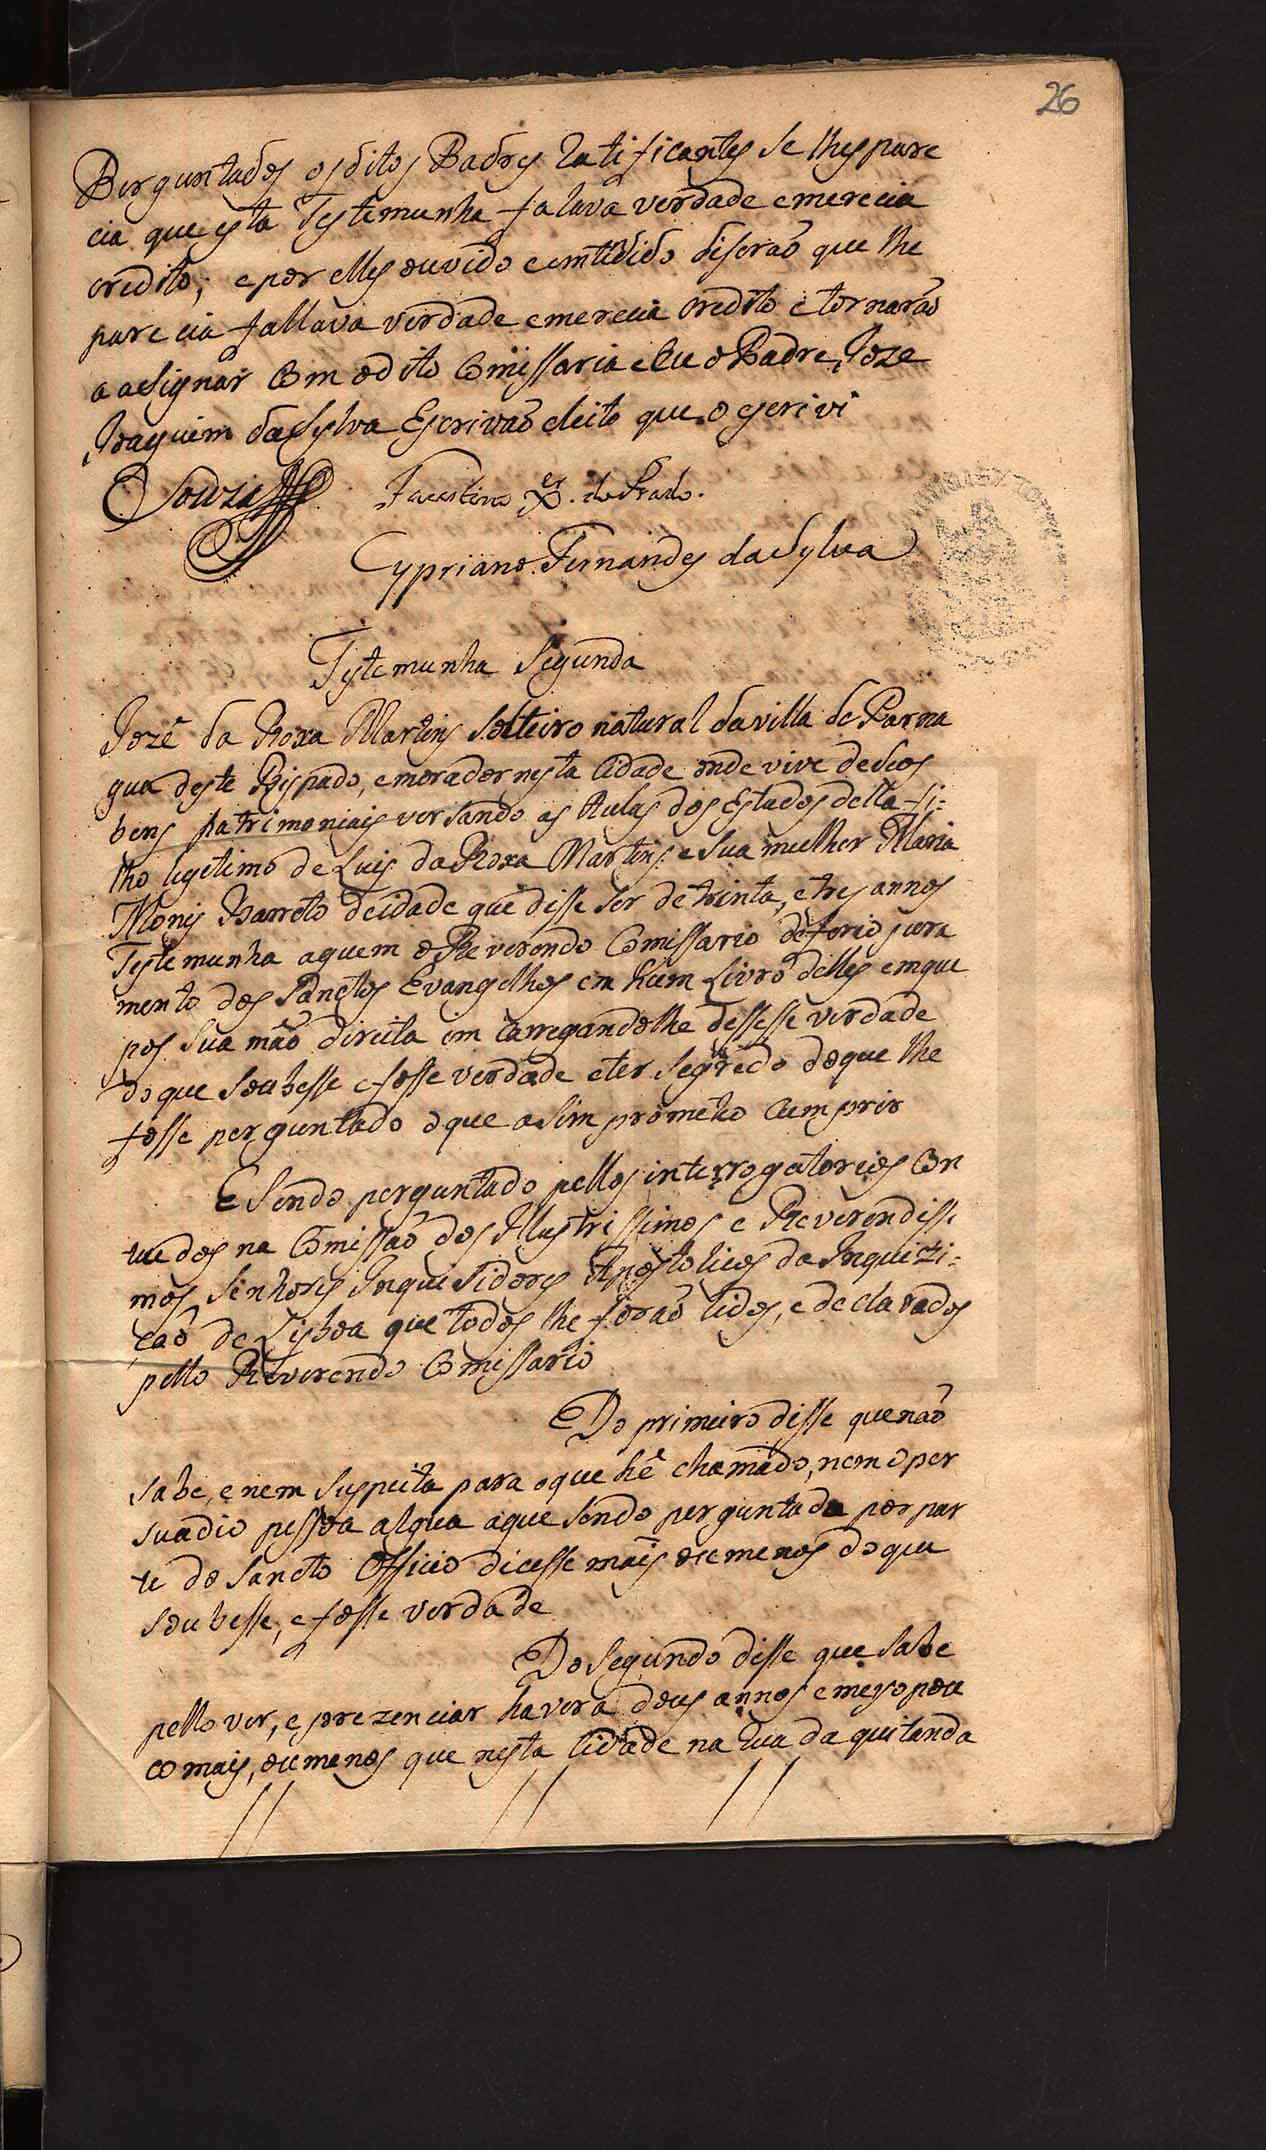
Perguntados os ditos Padres Ratificantes se lhes pare
cia que esta Testemunha falava verdade e merecia
credito; e por elles ouvido e emtedido diseraõ que lhe
parecia fallava verdade e merecia credito e tornarão
a aSignar com o dito Comissario e Eu o Padre Ioze
Ioaquim da Sylva Escrivaõ eleito que o escrivi
Souza Faustino x.er do Prado.
Cypriano Fernandes da Sylva
Testemunha Segunda
Iozé da Roxa Martins solteiro natural da villa de Parna
gua deste Bispado, e morador nesta Cidade onde vive de seos
bens patrimoniaes versando as Aulas dos Estados della fi
lho legitimo de Luis da Roxa Martins, e sua mulher Maria
Monis Barreto de idade que disse ser de trinta, e tres annos
Testemunha a quem o Reverendo Comissario deferio jura
mento dos Sanctos Evangelhos em hum Livro delles em que
pos sua maõ direita imcarregandolhe dessesse verdade
do que soubesse e fosse verdade e ter segredo do que lhe
fosse perguntado o que asim prometeo cumprir
E Sendo perguntado pellos interrogatorios con
teudos na Cōmissaõ dos Illustrissimos e Reverendissi
mos Senhores Inquisidores Apostolicos da Inquizi
çaõ de Lisboa que todos lhe foraõ lidos, e declarados
pello Reverendo Comissario
Do primeiro disse que naõ
sabe, e nem suspeita para o que hé chamado, nem o per
suadio pessoa algua a que sendo perguntado por par
te do Sancto Officio dicesse mais ou menos do que
soubesse, e fosse verdade
Do segundo disse que sabe
pello ver, e prezenciar havera dous annos e meyo pou
co mais, ou menos que nesta Cidade na Rua da quitanda
